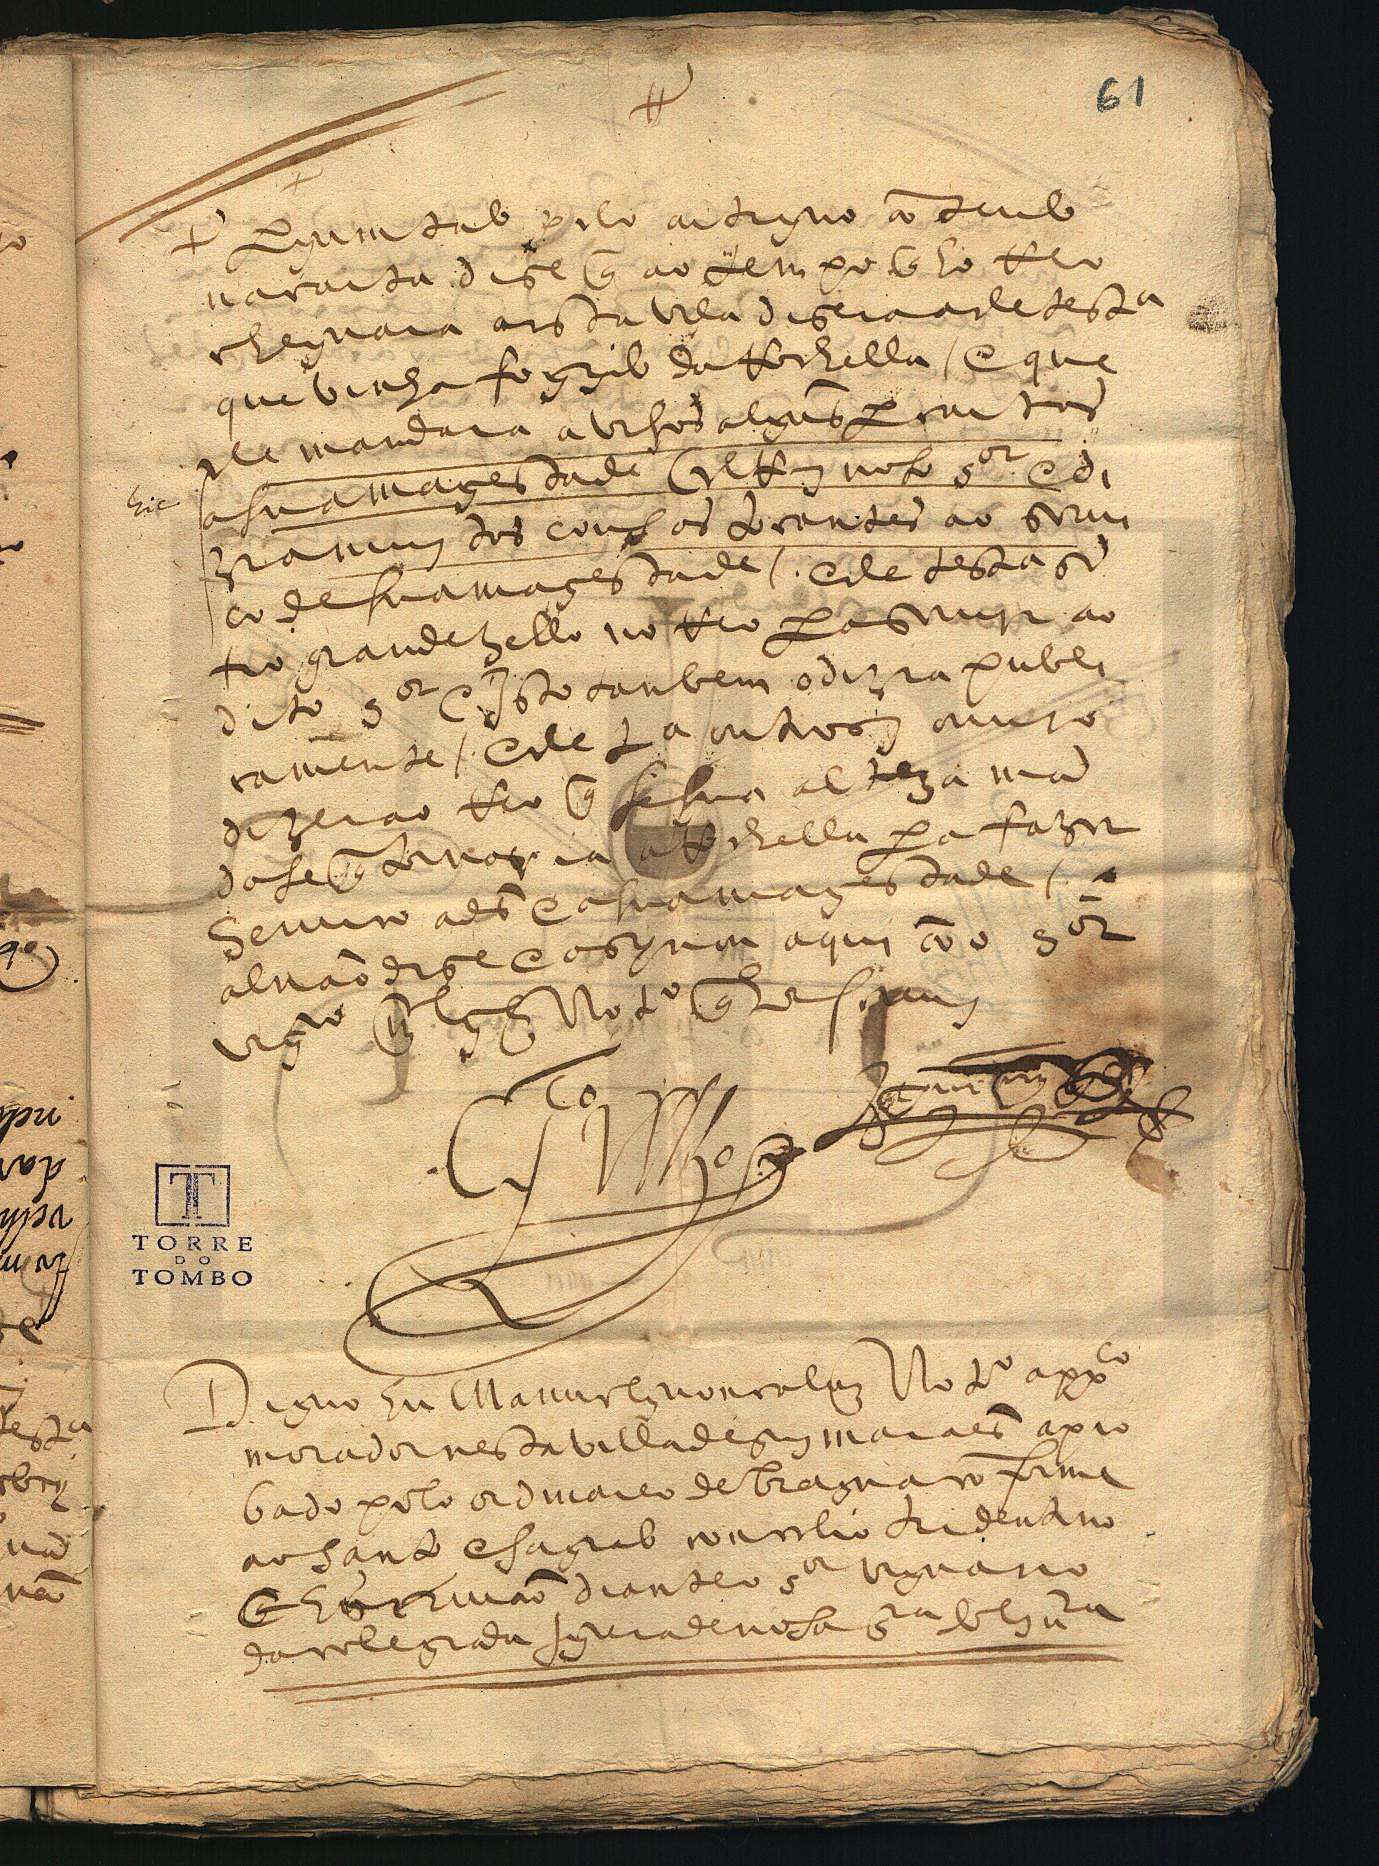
item ꝑgumtado pelo artiguo cōteudo
na carta dise q̄ ao tempo q̄ o Reo
cheguara a esta vila disera a ele testa
que vinha fogydo da Rochella / e que
ele mandara avisos algus̄ ꝑ cartas
a sua magestade El Rej noso sor e di
zia mujtas cousas tocantes ao serui
ço de sua magestade /. e ele testa sē
tio grande zello no Reo ꝑa serujr ao
dito sor e Jsto tambem o dizia publi
camente /. e ele ta outrosy ouuio
dizer ao Reo q̄ se sua alteza mā
dase q̄ tornaria a Rochella ꝑa fazer
seruiçoo a ds̄ e a sua magestade / e
al não dise e asynou aqui cō o sor
vigro mel glz̄ Noto q̄ ho escreuj
guomez glz
Fco Velho
Diguo Eu Manuel guonçaluz̄ Notro appco
morador nesta villa de gujmaraẽs apro
bado polo ordinareo de bragua cōforme
ao santo e sagrado concilio tridentino
E Escriuaõ diante o sor viguairo
da colegiada Jgreia de nosa sra doljura
